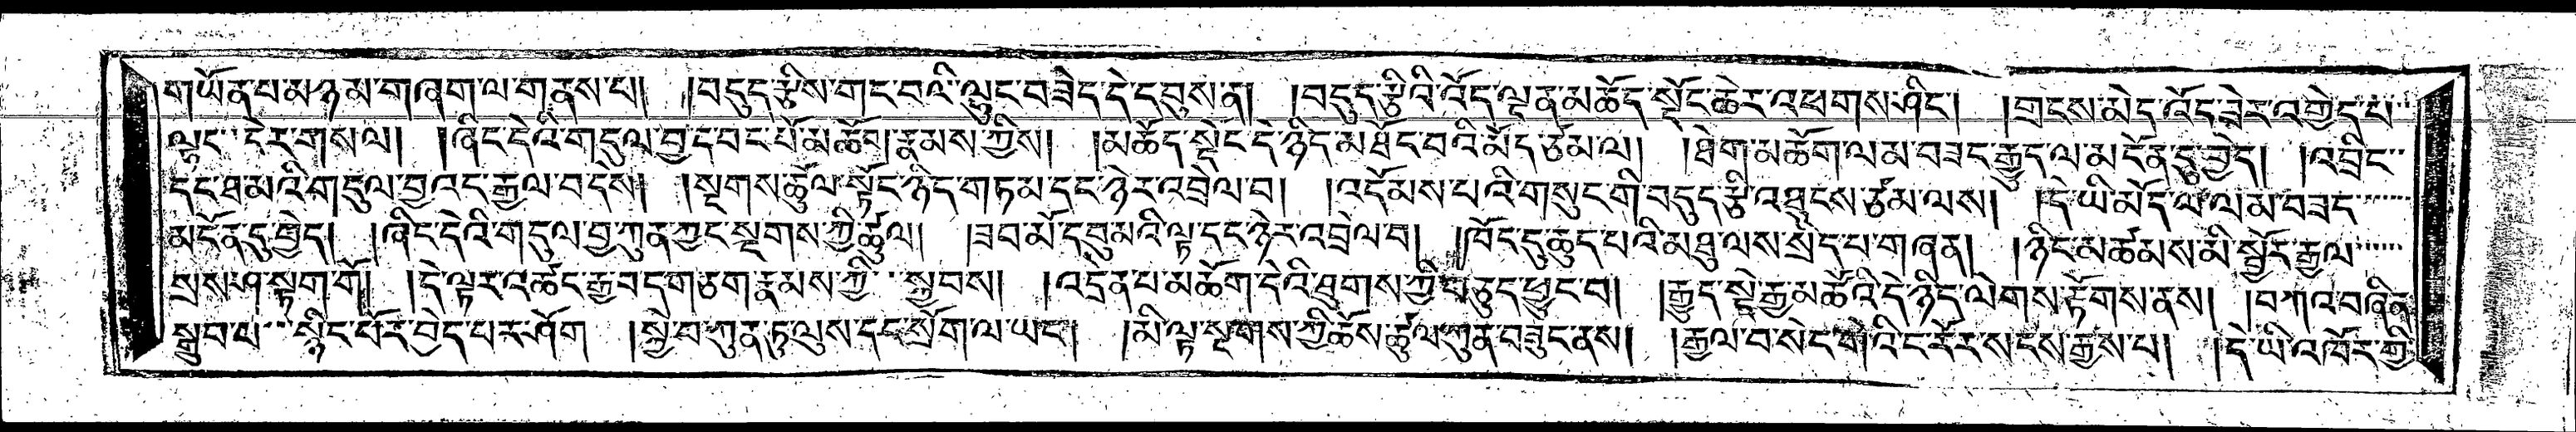གཡོན་པ་མཉམ་གཞག་ལ་གནས་པ། །བདུད་རྩིས་གང་བའི་ལྷུང་བཟེད་དེ་དབུས་ན། །བདུད་རྩིའི་འོད་ལྡན་མཆོད་སྡོང་ཆེར་འཕགས་ཤིང་། །གྲངས་མེད་འོད་ཟེར་འགྱེད་པ་
ལྷང་དེར་གསལ། །ཞིང་དེའི་གདུལ་བྱ་དབང་པོ་མཆོག་རྣམས་ཀྱིས། །མཆོད་སྡོང་དེ་ཉིད་མཐོང་བའི་མོད་ཙམ་ལ། །ཐེག་མཆོག་ལམ་བཟང་རྒྱུད་ལ་མངོན་དུ་བྱེད། །འབྲིང་
དང་ཐ་མའི་གདུལ་བྱའང་རྒྱལ་བ་དེས། །སྔགས་ཚུལ་སྟོང་ཉིད་གཏམ་དང་ཉེར་འབྲེལ་བ། །འདོམས་པའི་གསུང་གི་བདུད་རྩི་འཐུངས་ཙམ་ལས། །དེ་ཡི་མོད་ལ་ལམ་བཟང་
མངོན་དུ་བྱེད། །ཞིང་དེའི་གདུལ་བྱ་ཀུན་ཀྱང་སྔགས་ཀྱི་ཚུལ། །ཟབ་མོ་དབུ་མའི་ལྟ་དང་ཉེར་འབྲེལ་བ། །ཁོང་དུ་ཆུད་པའི་མཐུ་ལས་སྲིད་པ་གཞན། །ཉིང་མཚམས་མི་སྦྱོར་རྒྱལ་
སྲས་ཤ་སྟག་གོ། །དེ་ལྟར་འཚང་རྒྱ་བདག་ཅག་རྣམས་ཀྱི་སྐྱབས། །འདྲེན་པ་མཆོག་དེའི་ཐུགས་ཀྱི་བཅུད་ཕྱུང་བ། །རྒྱུད་སྡེ་རྒྱ་མཚོའི་དེ་ཉིད་ལེགས་རྟོགས་ནས། །བཀའ་བཞིན་
སྒྲུབ་པ་སྙིང་པོར་བྱེད་པར་ཤོག །སྐྱེ་བ་ཀུན་ཏུ་ལུས་དང་སྲོག་ལ་ཡང་། །མི་ལྟ་སྔགས་ཀྱི་ཆོས་ཚུལ་ཀུན་བཟུང་ནས། །རྒྱལ་བ་སེང་གེའི་ང་རོར་སངས་རྒྱས་པ། །དེ་ཡི་འཁོར་གྱི་